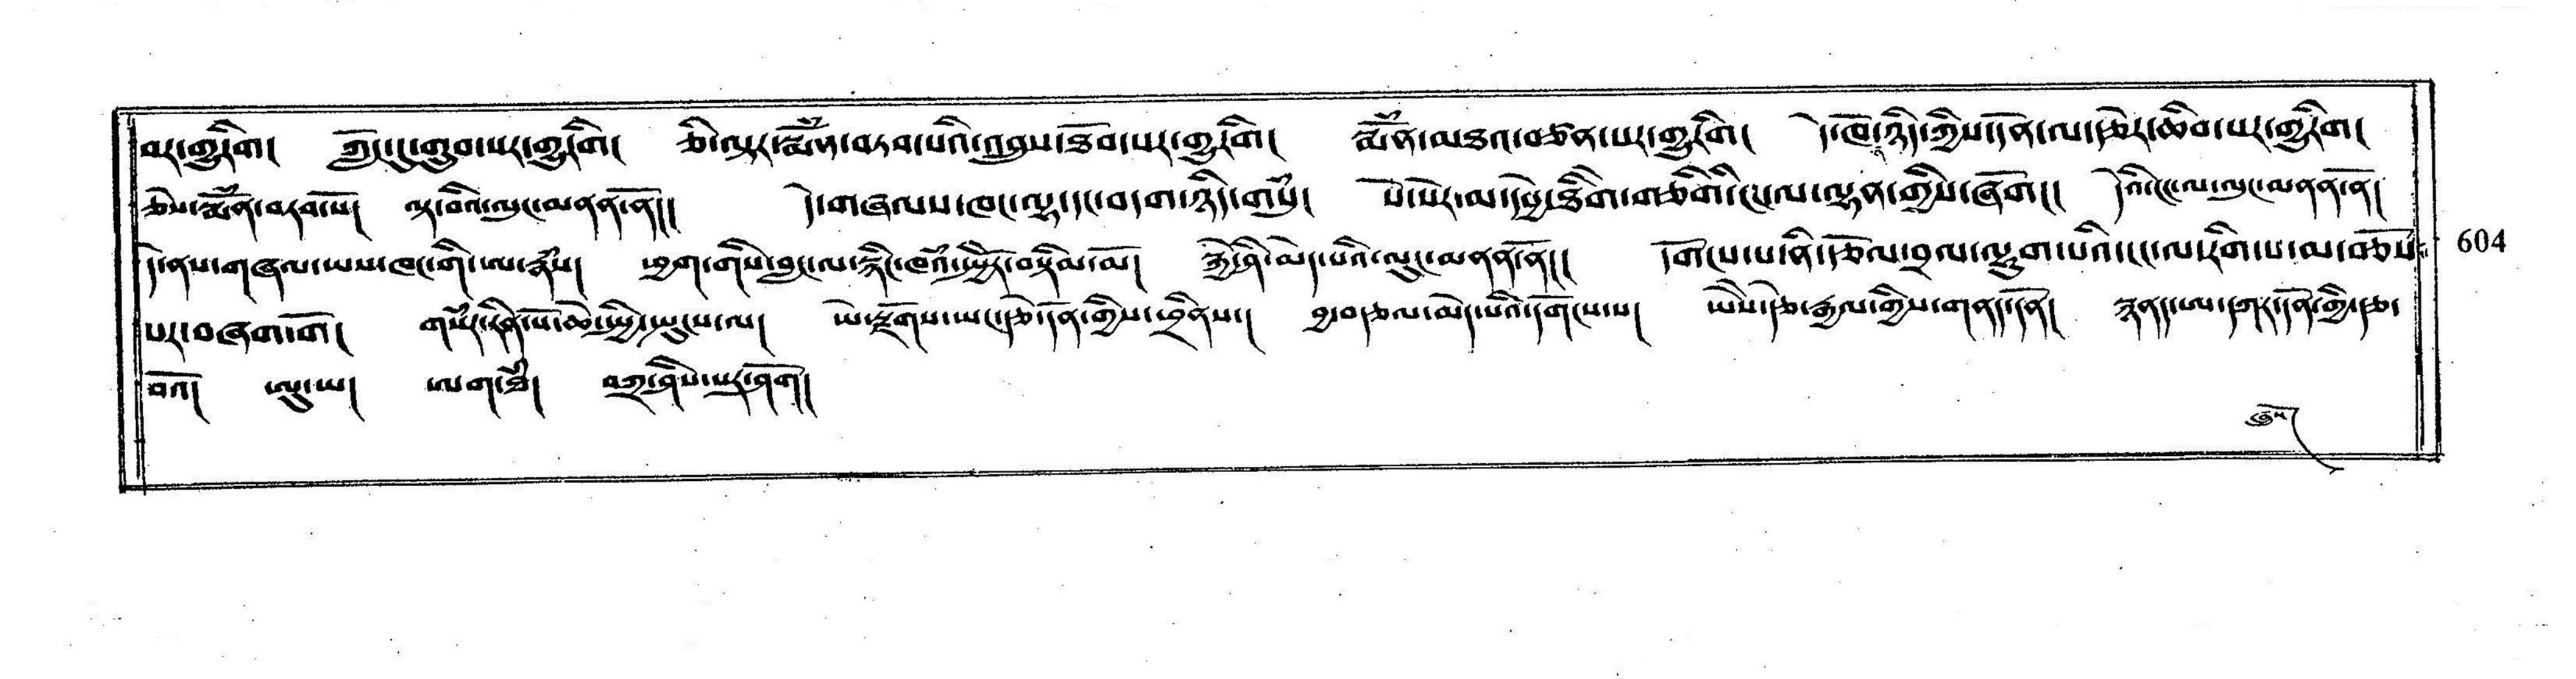བར་གྱུར་ཅིག ཀློང་དུ་གྲུབ་པར་གྱུར་ཅིག ཅི་ལྟར་སྨོན་ལམ་བཏབ་པའི་འབྲས་བུ་ཐོབ་པར་གྱུར་ཅིག སྨོན་ལམ་མཐའ་བཙན་པར་གྱུར་ཅིག དེ་ཁོ་ན་ཉིད་ཀྱིས་དོན་ལ་རྩེར་ཆིབ་པར་གྱུར་ཅིག 
ཅེས་སྨོན་ལམ་བཏབ་པོ། ལྟ་བའི་ལུང་མནན་ནོ།། དེ་གཞལ་ཡས་ཁང་ལྷ་དང་བདག་ཉིད་གསུམ། སོ་སོར་མ་དབྱེ་ཐིག་ལེ་གཅིག་གི་ངང་ལ་ལྷན་གྱིས་ཞོག དེའི་ངང་ལ་ལུང་མནན་ནོ། 
དེ་ནས་གཞལ་ཡས་ཁང་གི་ཨ་རྣམས། ཕྱག་གིས་བླང་ལ་སྙིང་ཁའམ་སྤྱི་བོར་བསྟིམ་མོ། སྐྱེ་ཤི་མེད་པའི་ལུང་མནན་ནོ།། དགོངས་པ་ནི་རྩོལ་བྲལ་ལྷུག་པའི་ངང་ལ་རིག་པ་མ་བཅོས་
པར་བཞག་གོ གསས་མཁར་རིན་པོ་ཆེ་སྤྱི་སྤུངས་ལ། ཡེ་རྫོགས་ཡང་རྩེ་དོན་གྱིས་ཕྲིན་ལས། བྱ་བརྩལ་མེད་པའི་དགོངས་པ། ཡེ་ཤེས་རྩེ་རྒྱལ་གྱིས་གནད་དོན། སྙན་རྒྱུད་ཨ་དཀར་དོན་གྱི་རྩ་
བའོ། ཨུ་ཡ། ཨག་ཐམ། བཀྲ་ཤིས་པར་ཤོག